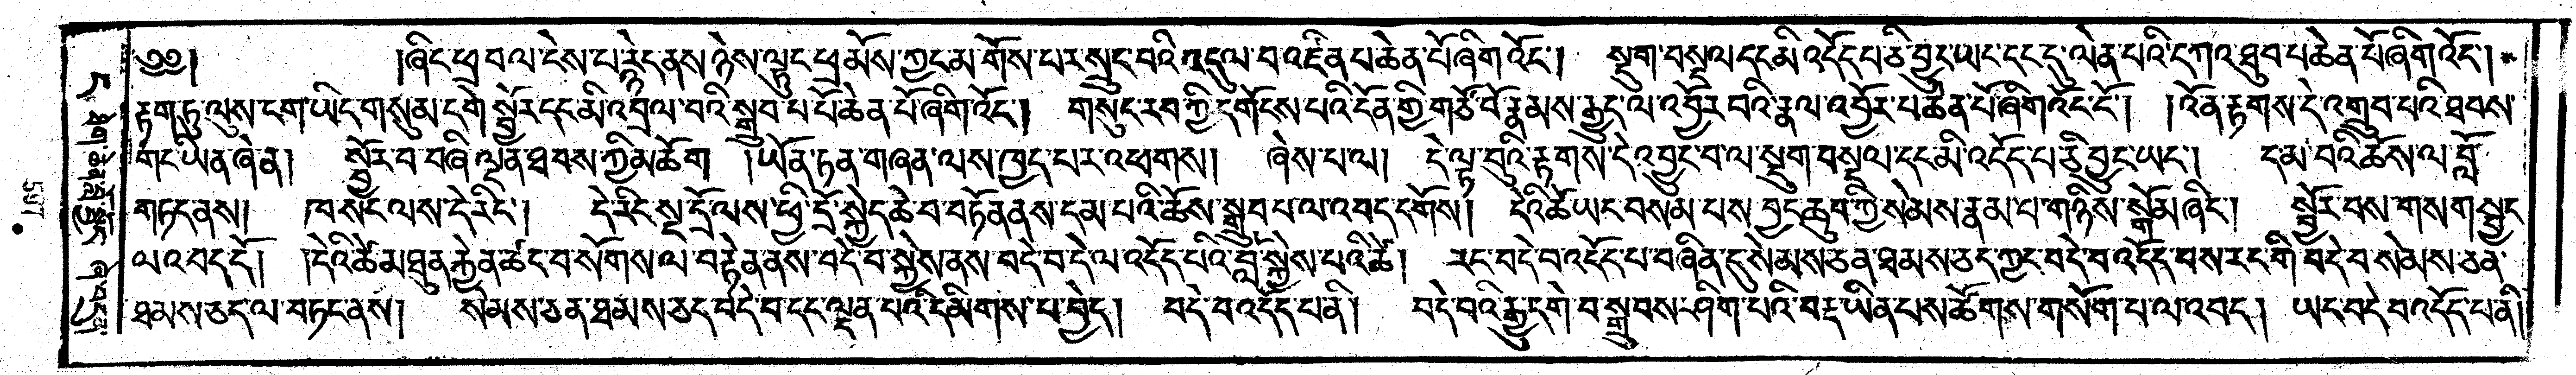༄༅། །ཞིང་ཕྲ་བ་ལ་ངེས་པ་རྙེད་ནས་ཉེས་ལྟུང་ཕྲ་མོས་ཀྱང་མ་གོས་པར་སྲུང་བའི་འདུལ་བ་འཛིན་པ་ཆེན་པོ་ཞིག་འོང་། སྡུག་བསྔལ་དང་མི་འདོད་པ་ཅི་བྱུང་ཡང་དང་དུ་ལེན་པའི་དཀའ་ཐུབ་པ་ཆེན་པོ་ཞིག་འོད།
རྟག་ཏུ་ལུས་ངག་ཡིད་གསུམ་དགེ་སྦྱོར་དང་མི་འབྲལ་བའི་སྒྲུབ་པ་པོ་ཆེན་པོ་ཞིག་འོང་། གསུང་རབ་ཀྱི་དགོངས་པའི་དོན་གྱི་གཙོ་བོ་རྣམས་རྒྱུད་ལ་འབྱོར་བའི་རྣལ་འབྱོར་པ་ཆེན་པོ་ཞིག་འོང་ངོ། །འོ་ན་རྟགས་དེ་འགྲུབ་པའི་ཐབས་
གང་ཡིན་ཞེ་ན། སྦྱོར་བ་བཞི་ལྡན་ཐབས་ཀྱི་མཆོག །ཡོན་ཏན་གཞན་ལས་ཁྱད་པར་འཕགས། ཞེས་པ་ལ། དེ་ལྟ་བུའི་རྟགས་དེ་འབྱུང་བ་ལ་སྡུག་བསྔལ་དང་མི་འདོད་པ་ཅི་བྱུང་ཡང་། དམ་བའི་ཆོས་ལ་བློ་
གཏད་ནས། ཁ་སང་ལས་དེ་རིང་། དེ་རིང་སྔ་དྲོ་ལས་ཕྱི་དྲོ་སྐྱེད་ཆེ་བ་བཏོན་ནས་དམ་པའི་ཆོས་སྒྲུབ་པ་ལ་འབད་དགོས། དེའི་ཆོ་ཡང་བསམ་པས་བྱང་ཆུབ་ཀྱི་སེམས་རྣམ་པ་གཉིས་སྒོམ་ཞིང་། སྦྱོར་བས་གསག་སྦྱང་
ལ་འབད་དོ། །དེའི་ཚེ་མཐུན་རྐྱེན་ཚང་བ་སོགས་ལ་བརྟེན་ནས་བདེ་བ་སྐྱེས་ནས་བདེ་བ་དེ་ལ་འདོད་པའི་བློ་སྐྱེས་པའི་ཚེ། རང་བདེ་བ་འདོད་པ་བཞིན་དུ་སེམས་ཅན་ཐམས་ཅད་ཀྱང་བདེ་བ་འདོད་པས་རང་གི་བདེ་བ་སེམས་ཅན་
ཐམས་ཅད་ལ་བཏང་ནས། སེམས་ཅན་ཐམས་ཅད་བདེ་བ་དང་ལྡན་པའི་དམིགས་པ་བྱེད། བདེ་བ་འདོད་པ་ནི། བདེ་བའི་རྒྱུ་དགེ་བ་སྒྲུབས་ཤིག་པའི་བརྡ་ཡིན་པས་ཚོགས་གསོག་པ་ལ་འབད། ཡང་བདེ་བ་འདོད་པ་ནི།